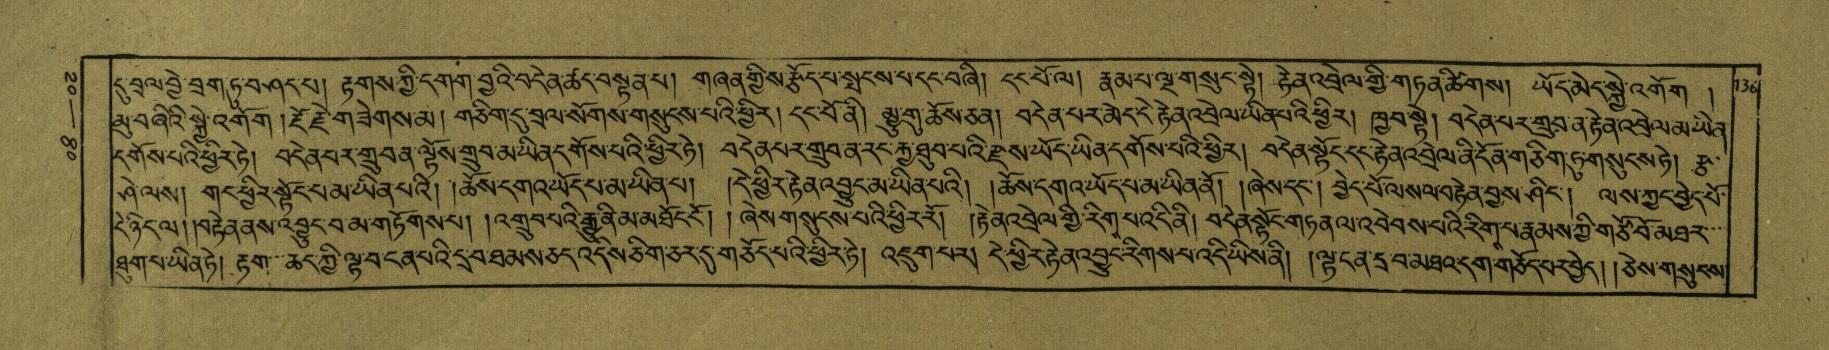དུ་བྲལ་བྱེ་བྲག་ཏུ་བཤད་པ། རྟགས་ཀྱི་དགག་བྱའི་བདེན་ཚད་བསྟན་པ། གཞན་གྱིས་རྩོད་པ་སྤངས་པ་དང་བཞི། དང་པོ་ལ། རྣམ་པ་ལྔ་གསུང་སྟེ། རྟེན་འབྲེལ་གྱི་གཏན་ཚིགས། ཡོད་མེད་སྐྱེ་འགོག།
མུ་བཞིའི་སྐྱེ་འགོག །རྡོ་རྗེ་གཟེགས་མ། གཅིག་དུ་བྲལ་སོགས་གསུངས་པའི་ཕྱིར། དང་པོ་ནི། མྱུ་གུ་ཆོས་ཅན། བདེན་པར་མེད་དེ་རྟེན་འབྲེལ་ཡིན་པའི་ཕྱིར། ཁྱབ་སྟེ། བདེན་པར་གྲུབ་ན་རྟེན་འབྲེལ་མ་ཡིན་
དགོས་པའི་ཕྱིར་ཏེ། བདེན་པར་གྲུབ་ན་ལྟོས་གྲུབ་མ་ཡིན་དགོས་པའི་ཕྱིར་ཏེ། བདེན་པར་གྲུབ་ན་རང་རྐྱ་ཐུབ་པའི་རྫས་ཡོད་ཡིན་དགོས་པའི་ཕྱིར། བདེན་སྟོང་དང་རྟེན་འབྲེལ་ནི་དོན་གཅིག་ཏུ་གསུངས་ཏེ། རྩ་
ཤེས་ལས། གང་ཕྱིར་སྟོང་པ་མ་ཡིན་པའི། །ཆོས་དགའ་ཡོད་པ་མ་ཡིན་པ། །དེ་ཕྱིར་རྟེན་འབྱུང་མ་ཡིན་པའི། །ཆོས་དགའ་ཡོད་པ་མ་ཡིན་ནོ། །ཞེས་དང་། བྱེད་པོ་ལས་ལ་བརྟེན་བྱས་ཤིང་། ལས་ཀྱང་བྱེད་པོ་
དེ་ཉིད་ལ། །བརྟེན་ནས་འབྱུང་བ་མ་གཏོགས་པ། །འགྲུབ་པའི་རྒྱུ་ནི་མ་མཐོང་ངོ། །ཞེས་གསུངས་པའི་ཕྱིར་རོ། །རྟེན་འབྲེལ་གྱི་རིགས་པ་འདི་ནི། བདེན་སྟོང་གཏན་ལ་འབེབས་པའི་རིགས་པ་རྣམས་ཀྱི་གཙོ་བོ་མཐར་
ཐུག་པ་ཡིན་ཏེ། རྟག་ཆད་ཀྱི་ལྟ་བ་ངན་པའི་དྲ་བ་ཐམས་ཅད་འདིས་ཅིག་ཅར་དུ་གཅོད་པའི་ཕྱིར་ཏེ། འཇུག་པར། དེ་ཕྱིར་རྟེན་འབྱུང་རིགས་པ་འདི་ཡིས་ནི། །ལྟ་ངན་དྲ་བ་མཐའ་དག་གཅོད་པར་བྱེད། །ཅེས་གསུངས་